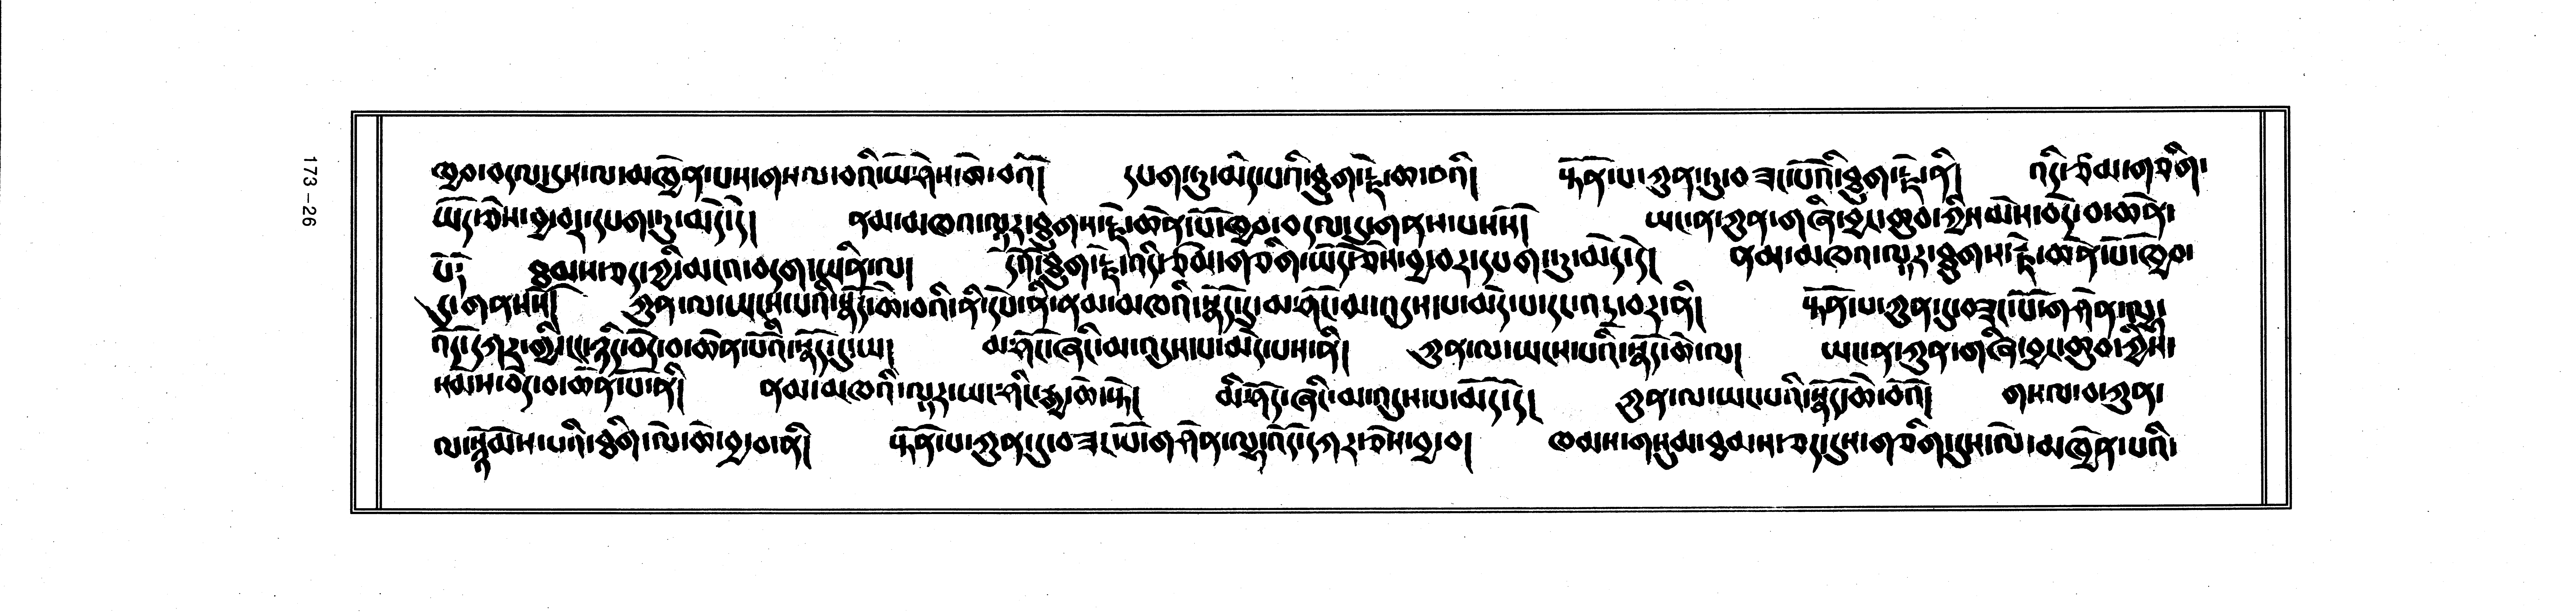ཁྱབ་བདལ་དུས་ལ་མཁྱེན་པས་གསལ་བའི་ཡེ་ཤེས་ཆེ་བའོ། །དཔག་ཏུ་མེད་པའི་ཐུགས་རྗེ་ཆེ་བའི། སྟོན་པ་ཀུན་ཏུ་བཟང་པོའི་ཐུགས་རྗེ་ནི། འདི་ཙམ་གཅིག་
ཡོད་ཅེས་བྱ་བར་དཔག་ཏུ་མེད་དེ། ནམ་མཁའ་ལྟར་ཐུགས་རྗེ་ཆེན་པོ་ཁྱབ་བདལ་དུ་གནས་པས་སོ། །ཡང་ན་ཀུན་གཞི་བྱང་ཆུབ་ཀྱི་སེམས་བདེ་བ་ཆེན་
པོ། ཐམས་ཅད་ཀྱི་མངའ་བདག་ཡིན་ལ། དེའི་ཐུགས་རྗེ་འདི་ཙམ་ཅིག་ཡོད་ཅེས་བྱ་བར་དཔག་ཏུ་མེད་དེ། ནམ་མཁའ་ལྟར་ཐུགས་རྗེ་ཆེན་པོ་ཁྱབ་བདལ་
དུ་གནས་སོ། །ཀུན་ལ་ཡངས་པའི་སྣོད་ཆེ་བ་ནི། དཔེ་ནི་ནམ་མཁའི་སྣོད་དུ་མ་ཤོང་མ་འདུས་པ་མེད་པ་དང་འདྲ་བར་ནི། སྟོན་པ་ཀུན་ཏུ་བཟང་པོ་གཤེན་ལྷ་
འོད་དཀར་གྱི་ངང་ཉིད་བདེ་བ་ཆེན་པོའི་སྣོད་དུ་ལ། མ་ཤོང་ཞིང་མ་འདུས་པ་མེད་པས་ནི། ཀུན་ལ་ཡངས་པའི་སྣོད་དུ་ཆེ་བའོ། །ཡང་ན་ཀུན་གཞི་བྱང་ཆུབ་ཀྱིས་
སེམས་བདེ་བ་ཆེན་པ་ནི། ནམ་མཁའི་ལྟར་ཡང་ཤིང་རྒྱ་ཆེ་ཏེ། མི་ཤོར་ཞིང་མེད་དེ། ཀུན་ལ་ཡང་པའི་སྣོད་ཆེ་བའི། གསལ་བ་ཀུན་
ལ་སྙོམས་པའི་ཐིག་ལེ་ཆེ་བྱ་བ་ནི། སྟོན་པ་ཀུན་ཏུ་བཟང་པོ་གཤེན་ལྷ་འོད་དཀར་ཅེས་བྱ་བ། ཁམས་གསུམ་ཐམས་ཅད་དུས་གཅིག་ཏུ་ས་ལེ་མཁྱེན་པའི་